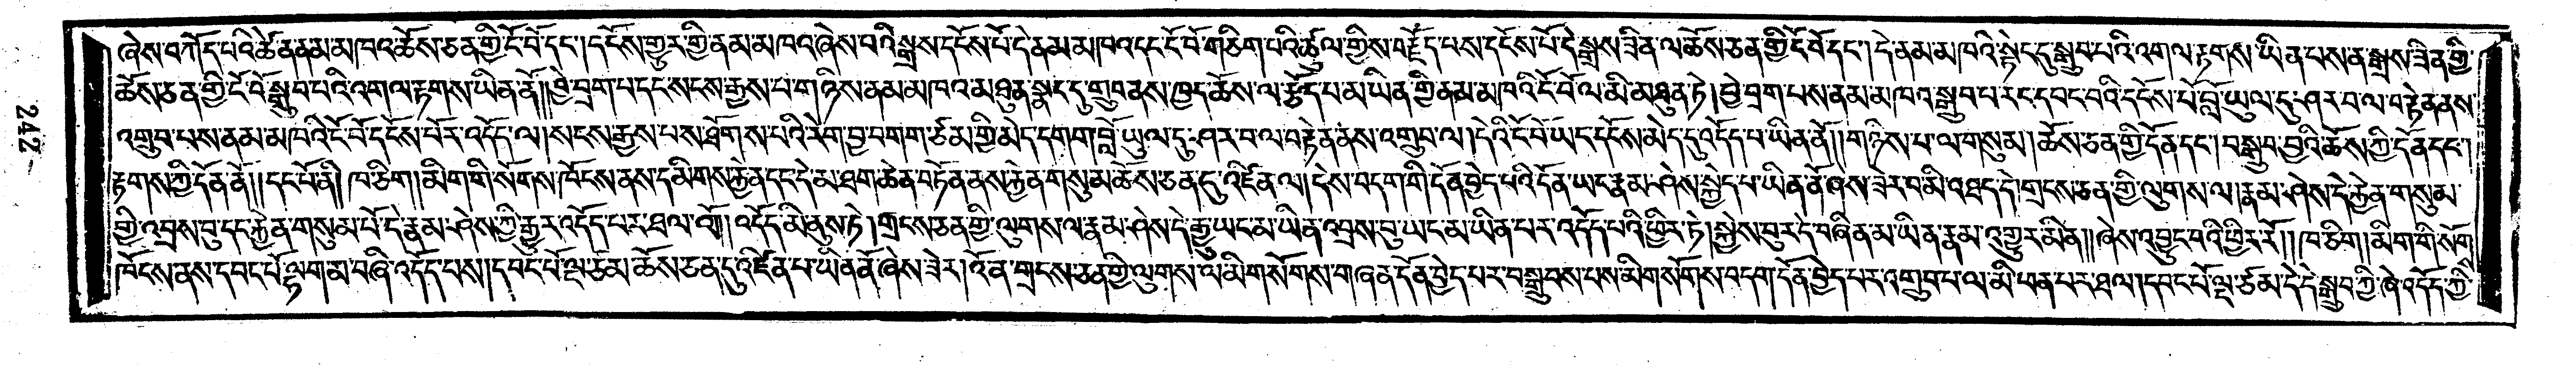ཞེས་བཀོད་པའི་ཚེ་ན་ནམ་མཁའ་ཆོས་ཅན་གྱི་ངོ་བོ་དང་། དངོས་གྱུར་གྱི་ནམ་མཁའ་ཞེས་པའི་སྒྲས་དངོས་པོ་དེ་ནམ་མཁའ་དང་ངོ་བོ་གཅིག་པའི་ཚུལ་གྱིས་བརྗོད་པས་དངོས་པོ་དེ་སྒྲས་ཟིན་ལ་ཆོས་ཅན་གྱི་ངོ་བོ་དང་། དེ་ནམ་མཁའི་སྟེང་དུ་སྒྲུབ་པའི་འགལ་རྟགས་ཡིན་པས་ན་སྒྲས་ཟིན་གྱི་
ཆོས་ཅན་གྱི་ངོ་བོ་སྒྲུབ་པའི་འགལ་རྟགས་ཡིན་ནོ། །བྱེ་བྲག་པ་དང་སངས་རྒྱས་པ་གཉིས་ནམ་མཁའ་མཐུན་སྣང་དུ་གྲུབ་ནས་ཁྱད་ཆོས་ལ་རྩོད་པ་མ་ཡིན་གྱི་ནམ་མཁའི་ངོ་བོ་ལ་མི་མཐུན་ཏེ། བྱེ་བྲག་པས་ནམ་མཁའ་སྒྲུབ་པ་རང་དབང་བའི་དངོས་པོ་བློ་ཡུལ་དུ་ཤར་བ་ལ་བརྟེན་ནས་
འགྲུབ་པས་ནམ་མཁའི་ངོ་བོ་དངོས་པོར་འདོད་ལ། སངས་རྒྱས་པས་ཐོགས་པའི་རེག་བྱ་བཀག་ཙམ་གྱི་མེད་དགག་བློ་ཡུལ་དུ་ཤར་བ་ལ་བརྟེན་ནས་འགྲུབ་ལ། དེའི་ངོ་བོ་ཡང་དངོས་མེད་དུ་འདོད་པ་ཡིན་ནོ། །གཉིས་པ་ལ་གསུམ། ཆོས་ཅན་གྱི་དོན་དང་། བསྒྲུབ་བྱའི་ཆོས་ཀྱི་དོན་དང་།
རྟགས་ཀྱི་དོན་ནོ། །དང་པོ་ནི། ཁ་ཅིག །མིག་གི་སོགས་ཁོངས་ནས་དམིགས་རྐྱེན་དང་དེ་མ་ཐག་རྐྱེན་བཏོན་ནས་རྐྱེན་གསུམ་ཆོས་ཅན་དུ་འཛིན་ལ། དེས་བདག་གི་དོན་བྱེད་པའི་དོན་ཡང་རྣམ་ཤེས་སྐྱེད་པ་ཡིན་ནོ་ཞེས་ཟེར་བ་མི་འཐད་དེ། གྲངས་ཅན་གྱི་ལུགས་ལ། རྣམ་ཤེས་དེ་རྐྱེན་གསུམ་
གྱི་འབྲས་བུ་དང་རྐྱེན་གསུམ་པོ་དེ་རྣམ་ཤེས་ཀྱི་རྒྱུར་འདོད་པར་ཐལ་ལོ། །འདོད་མི་ནུས་ཏེ། གྲངས་ཅན་གྱི་ལུགས་ལ་རྣམ་ཤེས་དེ་རྒྱ་ཡང་མ་ཡིན་འབྲས་བུ་ཡང་མ་ཡིན་པར་འདོད་པའི་ཕྱིར་ཏེ། སྐྱེས་བུ་རང་བཞིན་མ་ཡིན་རྣམ་འགྱུར་མིན། །ཞེས་འབྱུང་བའི་ཕྱིར་རོ། །ཁ་ཅིག །མིག་གི་སོགས་
ཁོངས་ནས་དབང་པོ་ལྷག་མ་བཞི་འདོན་པས། དབང་པོ་ལྔ་ཙམ་ཆོས་ཅན་དུ་འཛིན་པ་ཡིན་ནོ་ཞེས་ཟེར། འོ་ན་གྲངས་ཅན་གྱི་ལུགས་ལ་མིག་སོགས་གཞན་དོན་བྱེད་པར་བསྒྲུབས་པས་མིག་སོགས་བདག་དོན་བྱེད་པར་འགྲུབ་པ་ལ་མི་ཕན་པར་ཐལ། དབང་པོ་ལྔ་ཙམ་དེ་དེ་སྒྲུབ་ཀྱི་ཞེ་འདོད་ཀྱི་